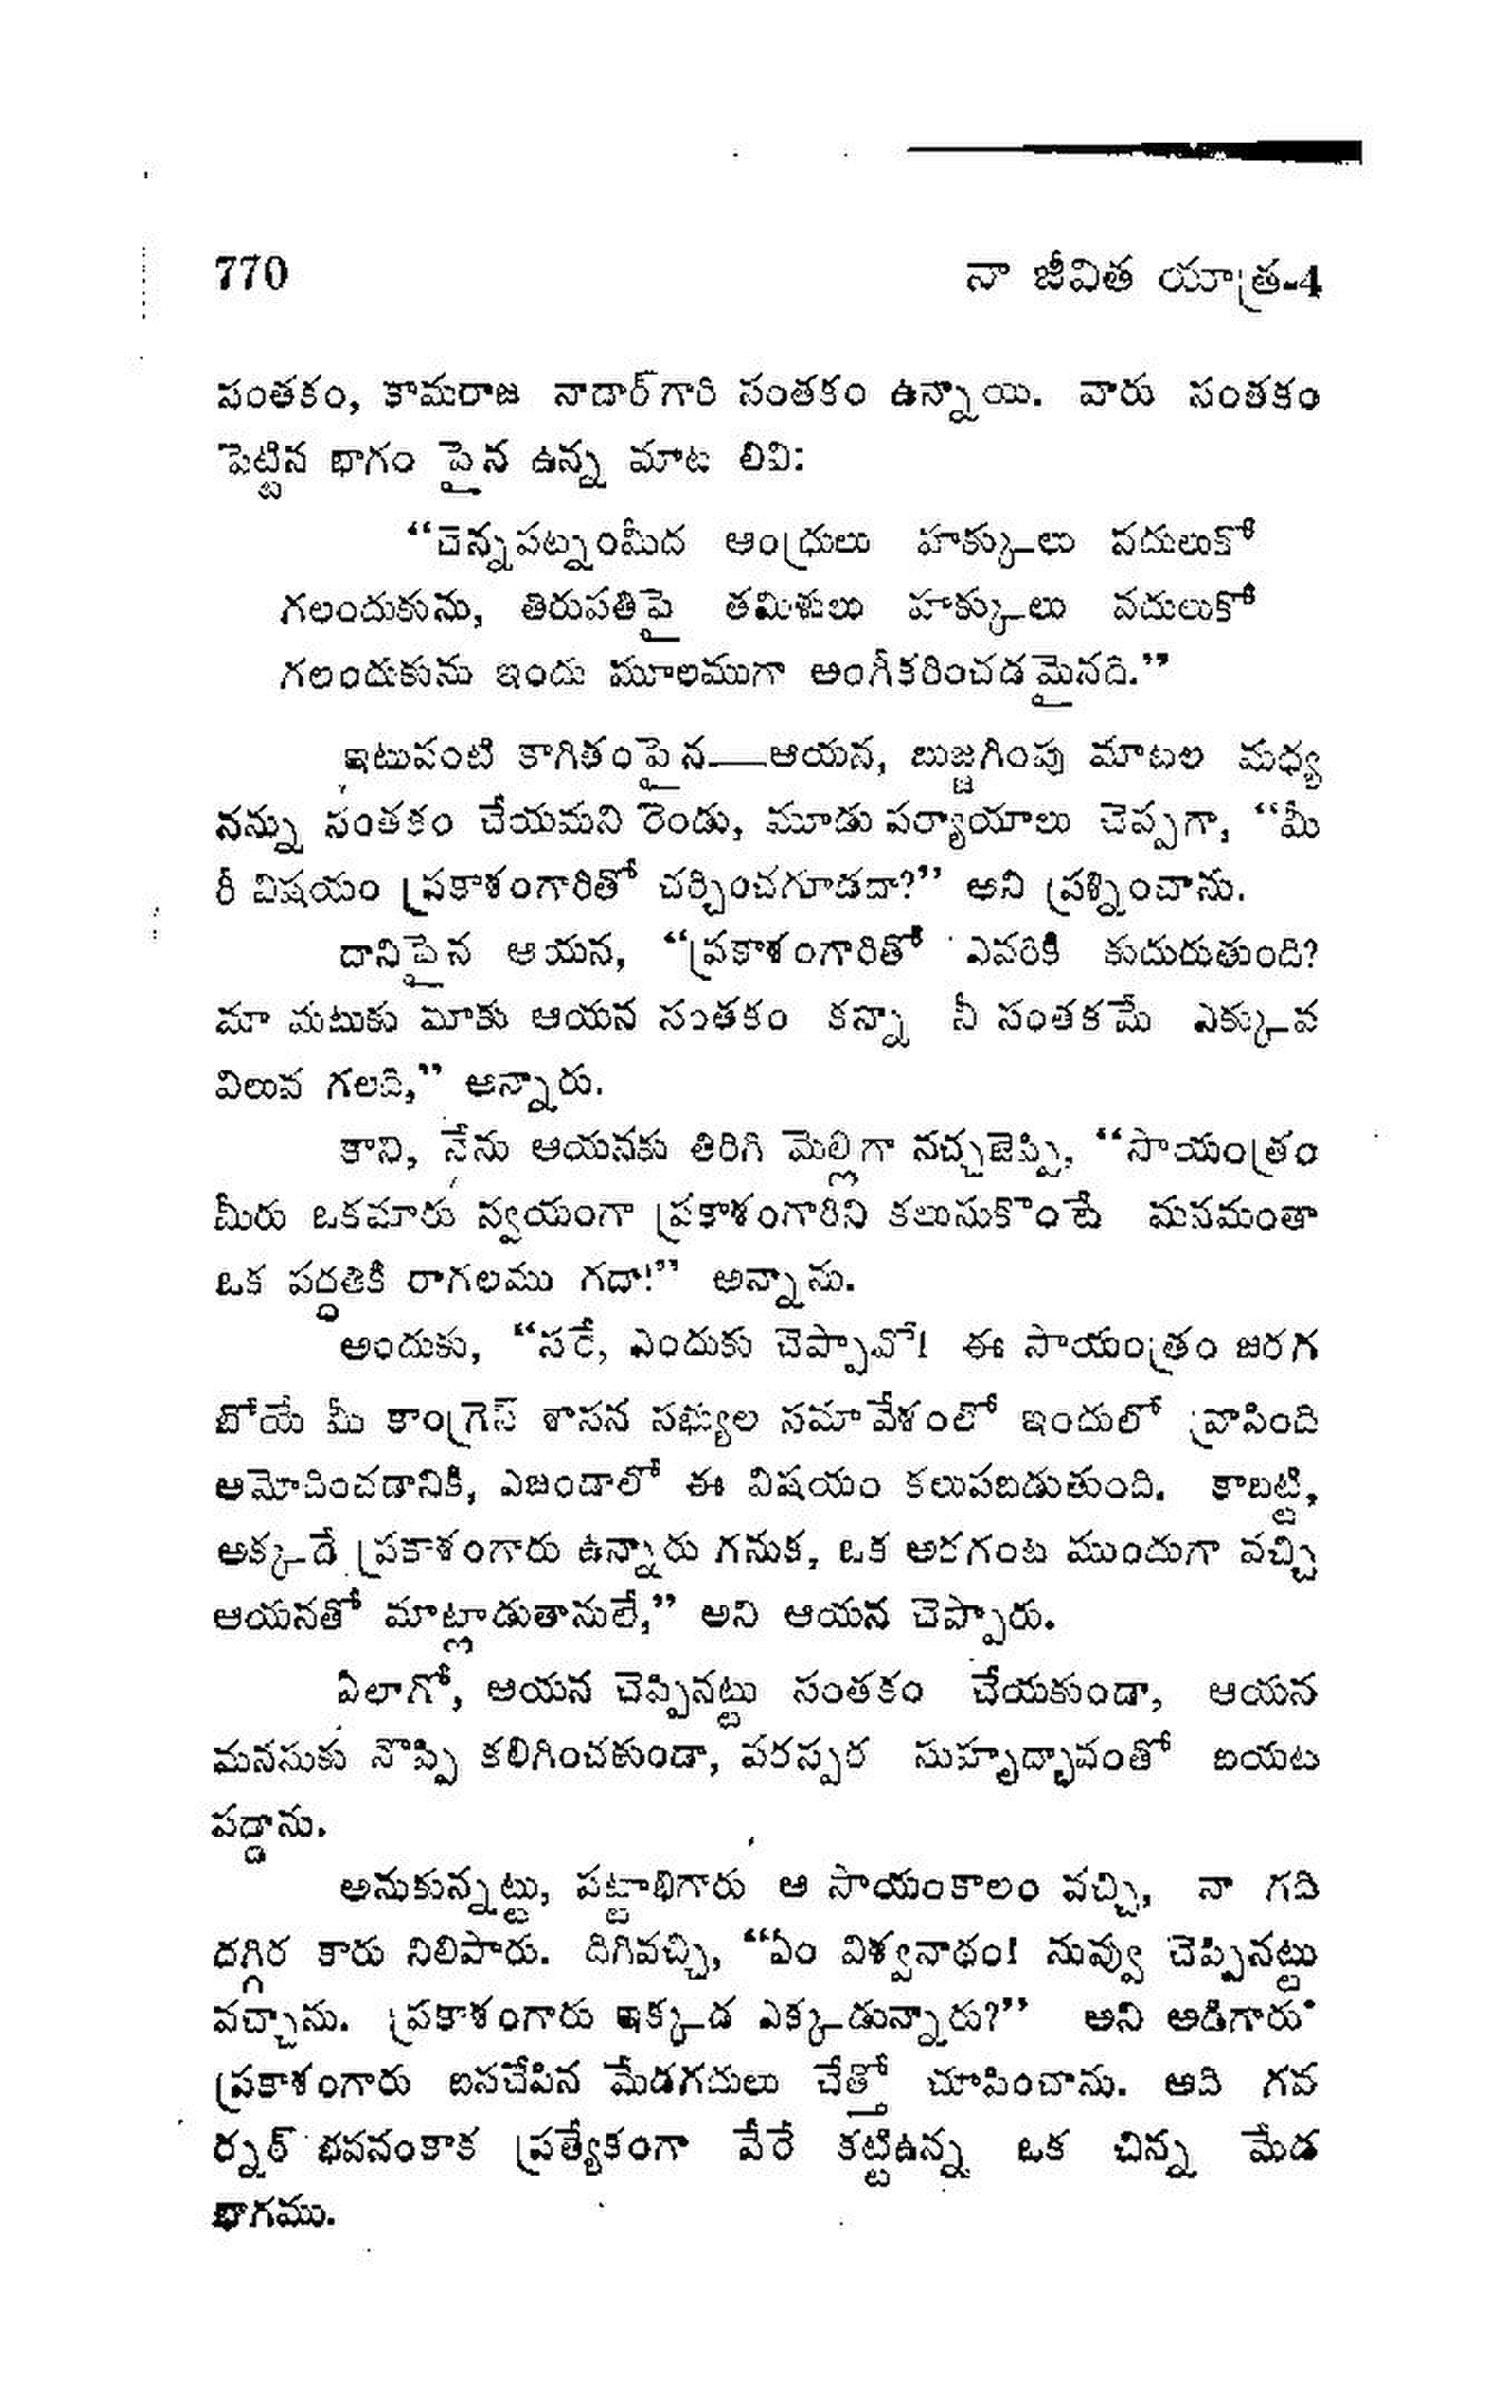సంతకం, కామరాజ నాడార్‌గారి సంతకం ఉన్నాయి. వారు సంతకం పెట్టిన భాగం పైన ఉన్న మాట లివి:

"చెన్నపట్నంమీద ఆంధ్రులు హక్కులు వదులుకో గలందుకును, తిరుపతిపై తమిళులు హక్కులు వదులుకో గలందుకును ఇందు మూలముగా అంగీకరించడమైనది."

ఇటువంటి కాగితంపైన - ఆయన, బుజ్జగింపు మాటల మధ్య నన్ను సంతకం చేయమని రెండు, మూడు పర్యాయాలు చెప్పగా, "మీరీ విషయం ప్రకాశంగారితో చర్చించగూడదా?" అని ప్రశ్నించాను.

దానిపైన ఆయన, "ప్రకాశంగారితో ఎవరికి కుదురుతుంది? మా మటుకు మాకు ఆయన సంతకం కన్నా నీ సంతకమే ఎక్కువ విలువ గలది," అన్నారు.

కాని, నేను ఆయనను తిరిగి మెల్లిగా నచ్చజెప్పి, "సాయంత్రం మీరు ఒకమారు స్వయంగా ప్రకాశంగారిని కలుసుకొంటే మనమంతా ఒక పద్దతికి రాగలము గదా!" అన్నాను.

అందుకు, "సరే, ఎందుకు చెప్పావో! ఈ సాయంత్రం జరగబోయే మీ కాంగ్రెస్ శాసన సభ్యుల సమావేశంలో ఇందులో వ్రాసింది ఆమోదించడానికి, ఎజండాలో ఈ విషయం కలుపబడుతుంది. కాబట్టి, అక్కడే ప్రకాశంగారు ఉన్నారు గనుక, ఒక అరగంట ముందుగా వచ్చి ఆయనతో మాట్లాడుతానులే," అని ఆయన చెప్పారు.

ఏలాగో, ఆయన చెప్పినట్టు సంతకం చేయకుండా, ఆయన మనసుకు నొప్పి కలిగించకుండా, పరస్పర సుహృద్భావంతో బయట పడ్డాను.

అనుకున్నట్టు, పట్టాభిగారు ఆ సాయంకాలం వచ్చి, నా గది దగ్గిర కారు నిలిపారు. దిగివచ్చి, "ఏం విశ్వనాథం! నువ్వు చెప్పినట్టు వచ్చాను. ప్రకాశంగారు ఇక్కడ ఎక్కడున్నారు?" అని అడిగారు. ప్రకాశంగారు బసచేసిన మేడగదులు చేత్తో చూపించాను. అది గవర్నర్ భవనంకాక ప్రత్యేకంగా వేరే కట్టిఉన్న ఒక చిన్న మేడ భాగము.